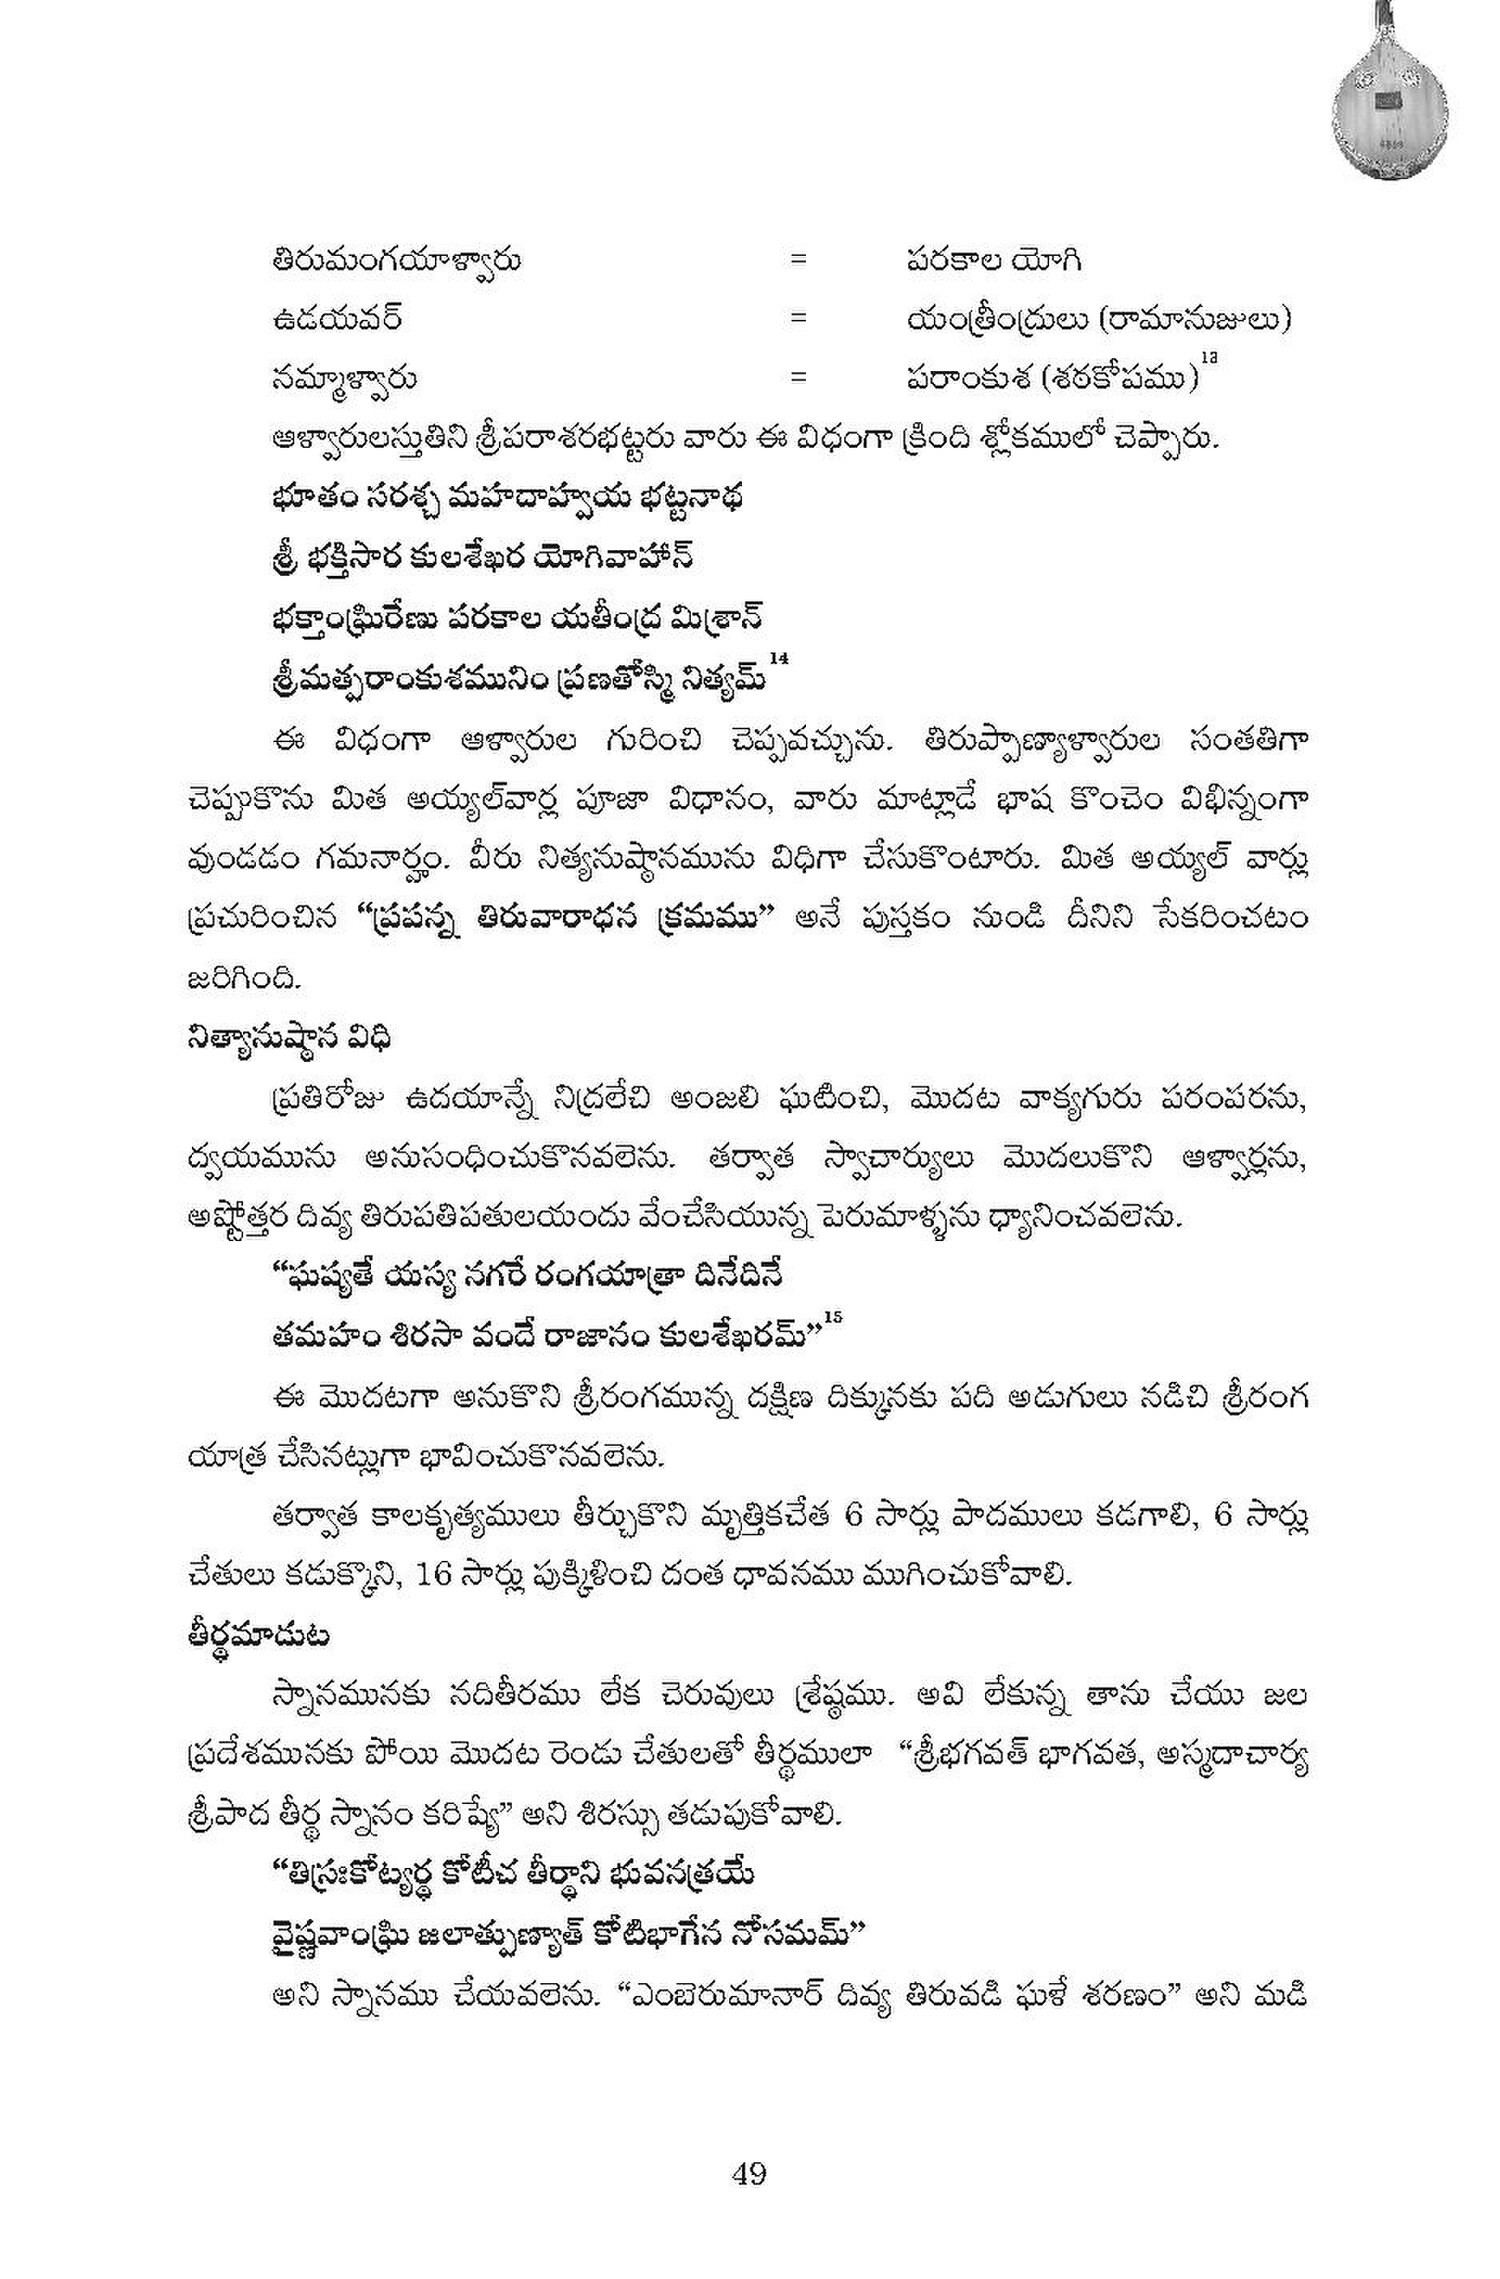ఆళ్వారులస్తుతిని శ్రీపరాశరభట్టరు వారు ఈ విధంగా క్రింది శ్లోకములో చెప్పారు.

భూతం సరశ్చ మహదాహ్వయ భట్టనాథ
శ్రీ భక్తిసార కులశేఖర యోగివాహాన్
భక్తాంఘ్రరేణు పరకాల యతీంద్ర మిశ్రాన్
శ్రీమత్పరాంకుశమునిం ప్రణతోస్మి నిత్యమ్ 14

ఈ విధంగా ఆళ్వారుల గురించి చెప్పవచ్చును. తిరుప్పాణ్యాళ్వారుల సంతతిగా చెప్పుకొను మిత అయ్యల్వార్ల పూజా విధానం, వారు మాట్లాడే భాష కొంచెం విభిన్నంగావుండడం గమనార్హం. వీరు నిత్యనుష్ఠానమును విధిగా చేసుకొంటారు. మిత అయ్యల్ వార్లు ప్రచురించిన “ప్రపన్న తిరువారాధన క్రమము" అనే పుస్తకం నుండి దీనిని సేకరించటం జరిగింది.

నిత్యానుష్ఠాన విధి 

ప్రతిరోజు ఉదయాన్నే నిద్రలేచి అంజలి ఘటించి, మొదట వాక్యగురు పరంపరను,ద్వయమును అనుసంధించుకొనవలెను. తర్వాత స్వాచార్యులు మొదలుకొని ఆళ్వార్లను, అష్టోత్తర దివ్య తిరుపతిపతులయందు వేంచేసియున్న పెరుమాళ్ళను ధ్యానించవలెను.

“ఘష్యతే యస్య నగరే రంగయాత్రా దినేదినే
తమహం శిరసా వందే రాజానం కులశేఖరమ్" 15

ఈ మొదటగా అనుకొని శ్రీరంగమున్న దక్షిణ దిక్కునకు పది అడుగులు నడిచి శ్రీరంగ యాత్ర చేసినట్లుగా భావించుకొనవలెను.

తర్వాత కాలకృత్యములు తీర్చుకొని మృత్తికచేత 6 సార్లు పాదములు కడగాలి, 6 సార్లు చేతులు కడుక్కొని, 16 సార్లు పుక్కిళించి దంత ధావనము ముగించుకోవాలి.

తీర్థమాడుట 

స్నానమునకు నదితీరము లేక చెరువులు శ్రేష్ఠము. అవి లేకున్న తాను చేయు జల ప్రదేశమునకు పోయి మొదట రెండు చేతులతో తీర్ధములా "శ్రీభగవత్ భాగవత, అస్మదాచార్య శ్రీపాద తీర్థ స్నానం కరిష్యే" అని శిరస్సు తడుపుకోవాలి.

"తిస్రఃకోట్యర్థ కోటీచ తీర్థాని భువనత్రయే
వైష్ణవాంఘ్ర జలాత్పుణ్యాత్ కోటిభాగేన నోసమమ్” 

అని స్నానము చేయవలెను. "ఎంబెరుమానార్ దివ్య తిరువడి ఘళే శరణం" అని మడి